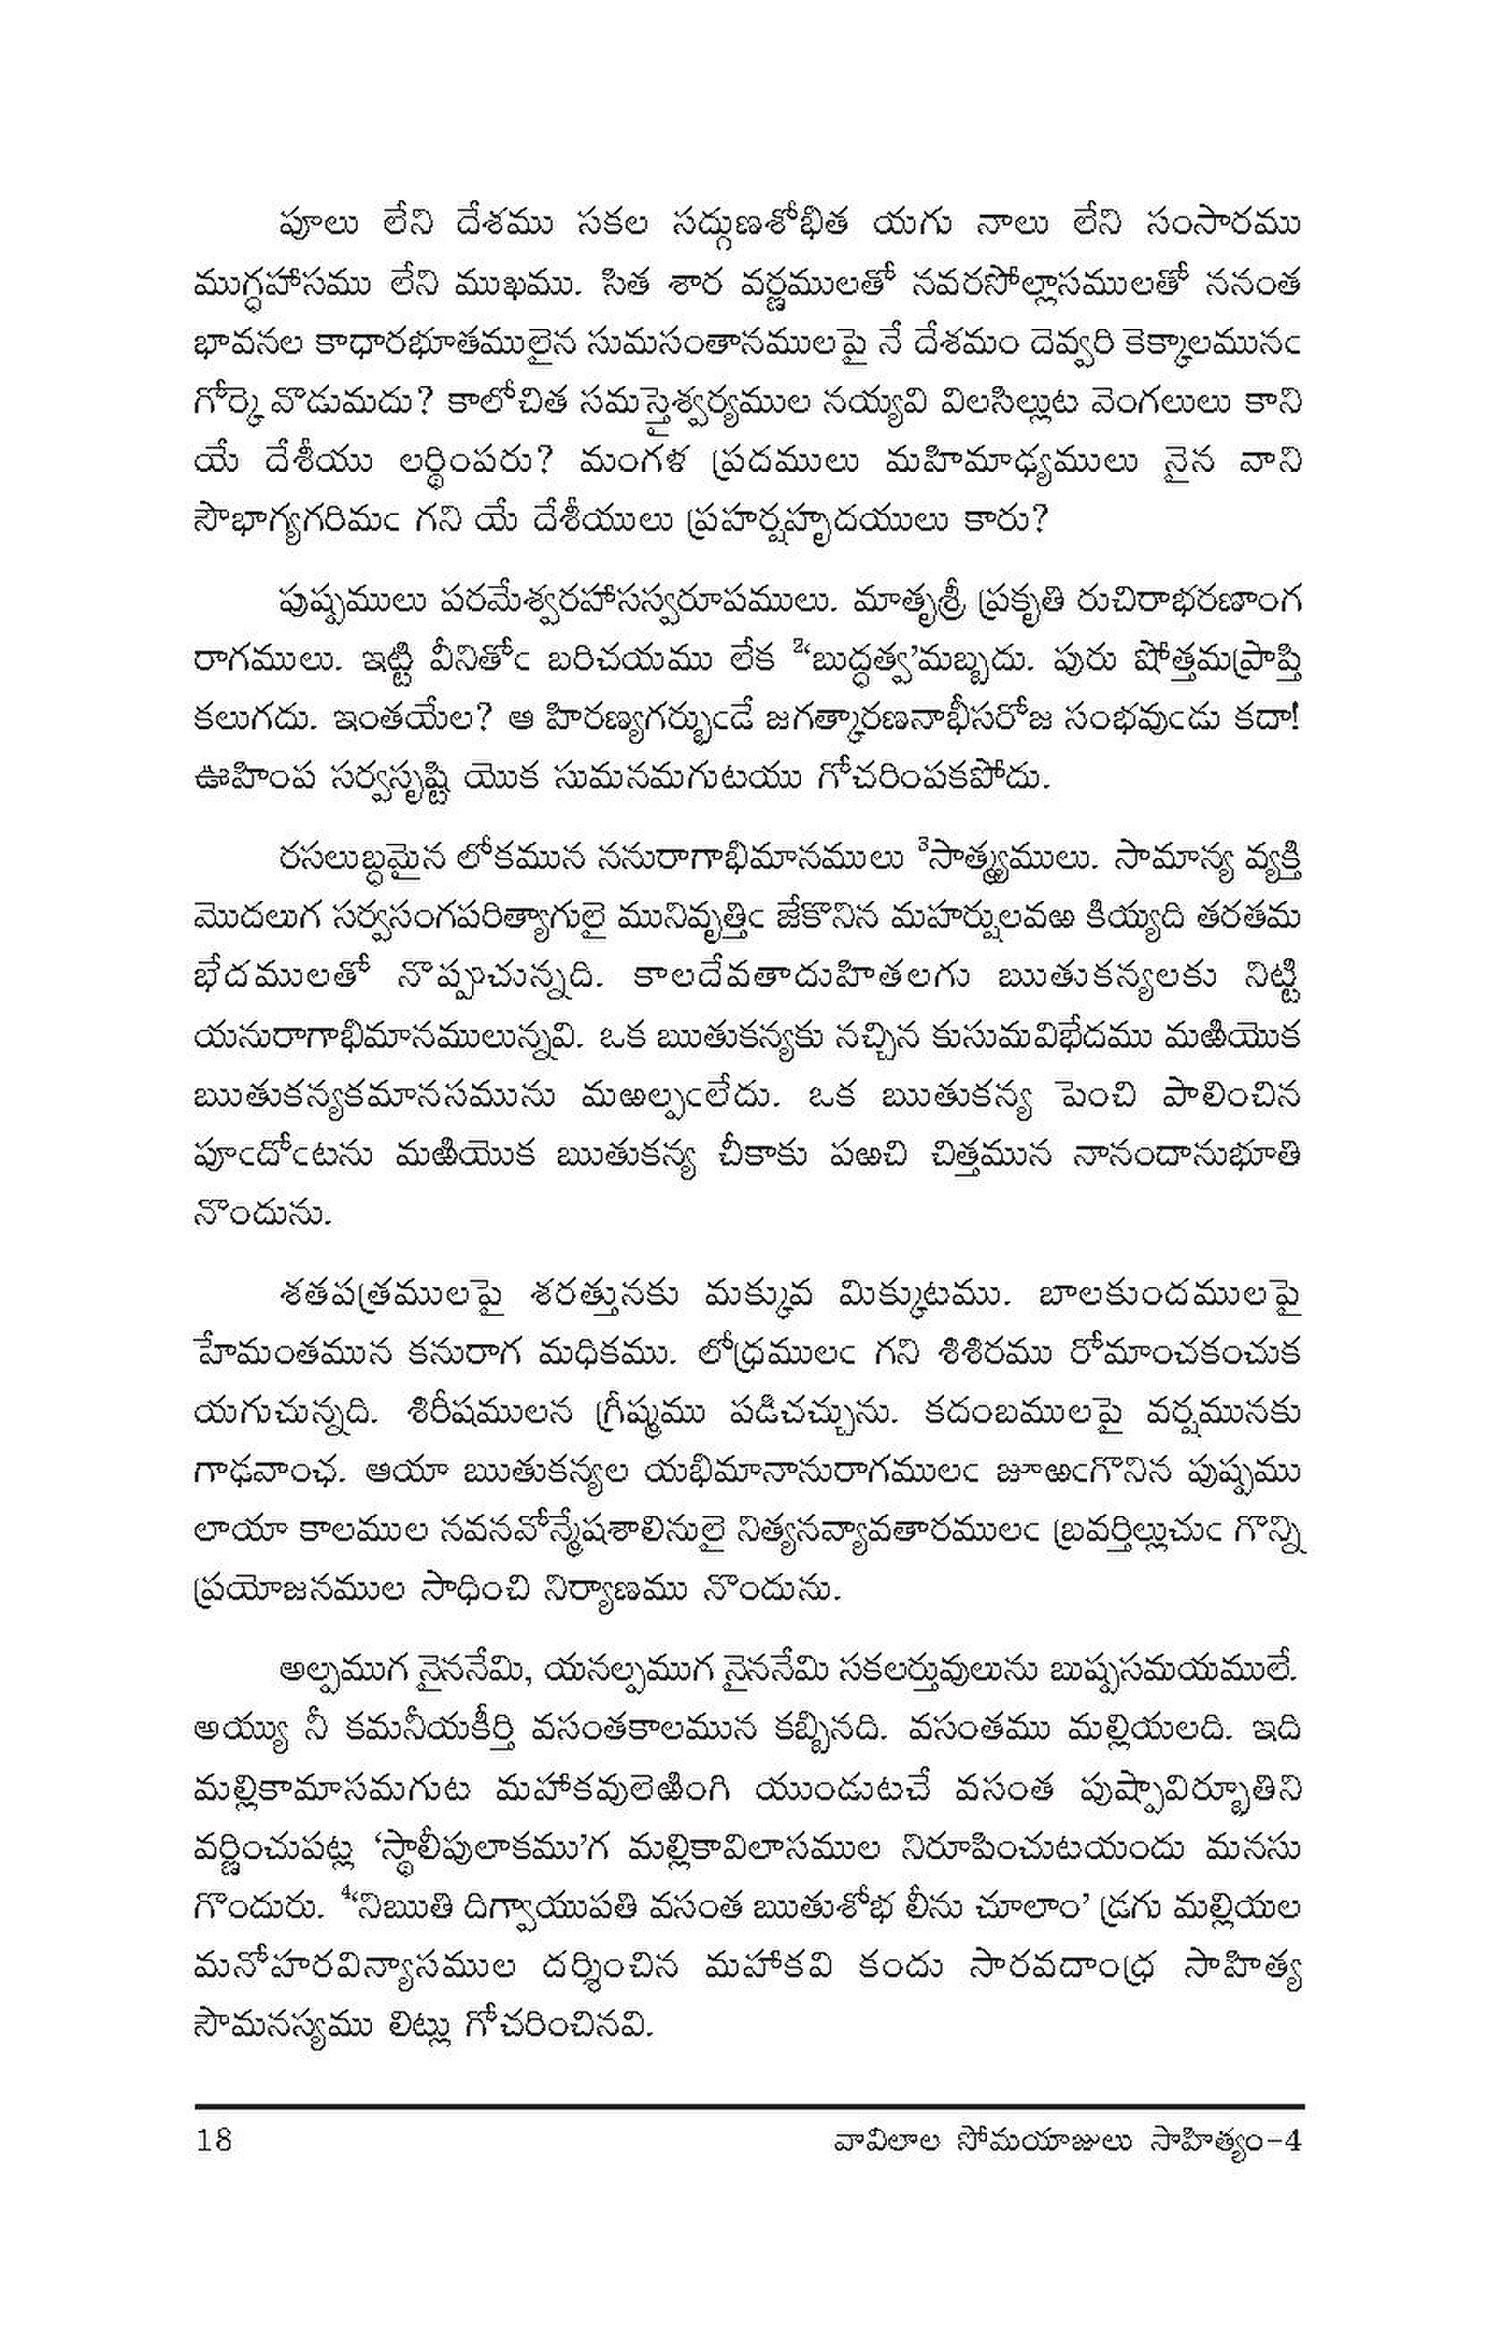పూలు లేని దేశము సకల సద్గుణశోభిత యగు నాలు లేని సంసారము
ముగ్ధహాసము లేని ముఖము. సిత శార వర్ణములతో నవరసోల్లాసములతో ననంత
భావనల కాధారభూతములైన సుమసంతానములపై నే దేశమం దెవ్వరి కెక్కాలమునఁ
గోర్కె వొడుమదు? కాలోచిత సమస్తైశ్వర్యముల నయ్యవి విలసిల్లుట వెంగలులు కాని
యే దేశీయు లర్థింపరు? మంగళ ప్రదములు మహిమాఢ్యములు నైన వాని
సౌభాగ్యగరిమఁ గని యే దేశీయులు ప్రహర్షహృదయులు కారు?

పుష్పములు పరమేశ్వరహాసస్వరూపములు. మాతృశ్రీ ప్రకృతి రుచిరాభరణాంగ
రాగములు. ఇట్టి వీనితోఁ బరిచయము లేక "బుద్ధత్వ'మబ్బదు. పురుషోత్తమప్రాప్తి
కలుగదు. ఇంతయేల? ఆ హిరణ్యగర్భుఁడే జగత్కారణనాభీసరోజ సంభవుఁడు కదా!
ఊహింప సర్వసృష్టి యొక సుమనమగుటయు గోచరింపకపోదు.

రసలుబ్ధమైన లోకమున ననురాగాభిమానములు సాత్మ్యములు. సామాన్య వ్యక్తి
మొదలుగ సర్వసంగపరిత్యాగులై మునివృత్తిఁ జేకొనిన మహర్షులవఱ కియ్యది తరతమ
భేదములతో నొప్పుచున్నది. కాలదేవతాదుహితలగు ఋతుకన్యలకు నిట్టి
యనురాగాభిమానములున్నవి. ఒక ఋతుకన్యకు నచ్చిన కుసుమవిభేదము మఱియొక
ఋతుకన్యకమానసమును మఱల్పఁలేదు. ఒక ఋతుకన్య పెంచి పాలించిన
పూదోటను మఱియొక ఋతుకన్య చీకాకు పఱచి చిత్తమున నానందానుభూతి
నొందును.
శతపత్రములపై శరత్తునకు మక్కువ మిక్కుటము. బాలకుందములపై
హేమంతమున కనురాగ మధికము. లోధ్రములఁ గని శిశిరము రోమాంచకంచుక
యగుచున్నది. శిరీషములన గ్రీష్మము పడిచచ్చును. కదంబములపై వర్షమునకు
గాఢవాంఛ. ఆయా ఋతుకన్యల యభిమానానురాగములఁ జూఱఁగొనిన పుష్పము
లాయా కాలముల నవనవోన్మేషశాలినులై నిత్యనవ్యావతారములఁ బ్రవర్తిల్లుచుఁ గొన్ని
ప్రయోజనముల సాధించి నిర్యాణము నొందును.

అల్పముగ నైననేమి, యనల్పముగ నైననేమి సకలర్తువులును బుష్పసమయములే. అయ్యు నీ కమనీయకీర్తి వసంతకాలమున కబ్బినది. వసంతము మల్లియలది. ఇది మల్లికామాసమగుట మహాకవులెఱింగి యుండుటచే వసంత పుష్పావిర్భూతిని
వర్ణించుపట్ల 'స్థాలీపులాకము'గ మల్లికావిలాసముల నిరూపించుటయందు మనసుగొందురు. 'నిఋతి దిగ్వాయుపతి వసంత ఋతుశోభ లీను చూలాం' డ్రగు మల్లియల మనోహరవిన్యాసములు దర్శించిన మహాకవి కందు సారవదాంధ్ర సాహిత్య సౌమనస్యము లిట్లు గోచరించినవి.